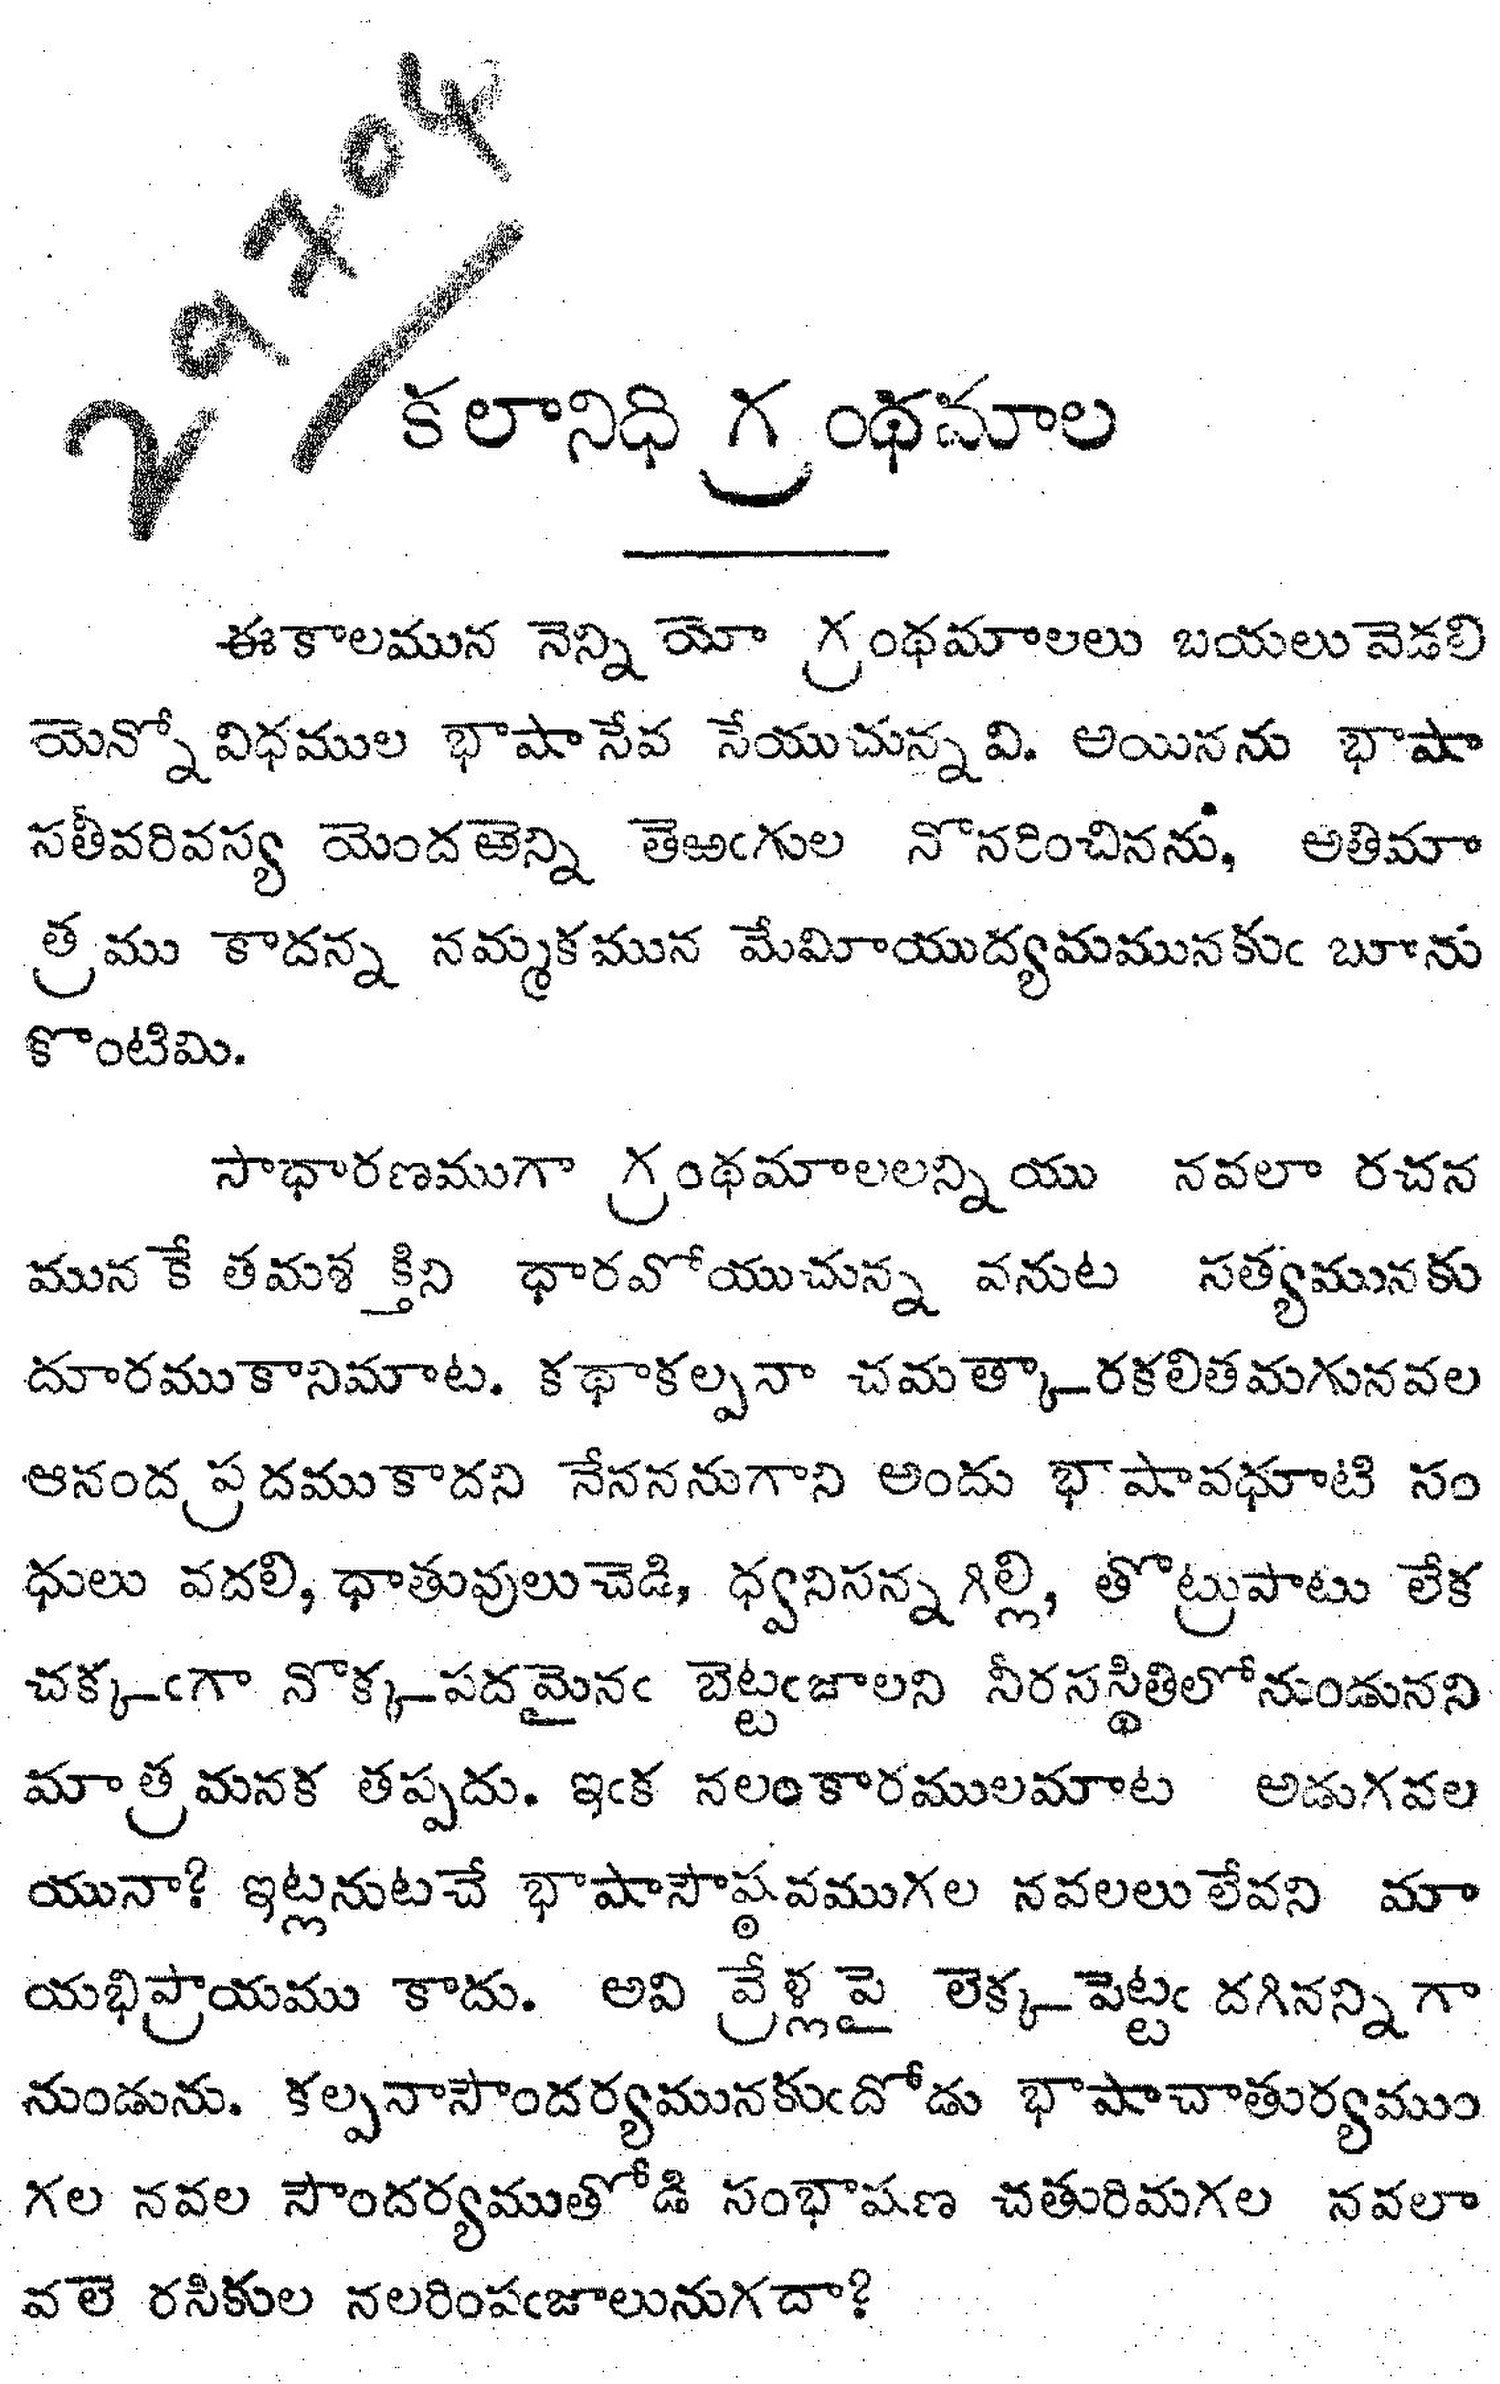కలానిధి గ్రంథమాల
 

ఈకాలమున నెన్నియో గ్రంథమాలలు బయలువెడలి యెన్నోవిధముల భాషాసేవ సేయుచున్నవి. అయినను భాషా యెన్నోవిధముల భాషాసేవ సేయుచున్నవి. అయినను భాషా సతీవరివస్య యెందఱెన్ని తెఱఁగుల నొనరించినను, అతిమాత్రము కాదన్న నమ్మకమున మేమీయుద్యమమునకుఁ బూనుకొంటిమి.

సాధారణముగా గ్రంథమాలలన్నియు నవలా రచనమునకే తనశక్తిని ధారవోయుచున్న వనుట సత్యమునకు దూరముకానిమాట. కథాకల్పనా చమత్కారకలితమగునవల ఆనందప్రదముకాదని నేననుగాని అందు బాషావధూటి సంధులు వదలి, ధాతువులుచెడి, ధ్వనిసన్నగిల్లి, తొట్రుపాటు లేక చక్కఁగా నొక్కపదమైనఁ బెట్టఁజాలని నీరసస్థితిలోనుండునని మాత్రమనక తప్పదు. ఇఁక నలంకారములమాట అడుగవలయునా? ఇట్లనుటచే భాషాసౌష్ఠవముగల నవలలులేవని మా యభిప్రాయము కాదు. అవి వ్రేళ్లపై లెక్కపెట్టఁ దగినన్నిగా నుండును. కల్పనాసౌందర్యమునకుఁదోడు భాషాచాతుర్యము గల నవల సౌందర్యముతోడి సంభాషణ చతురిమగల నవలా వలె రసికుల నలరింపఁజాలునుగదా?